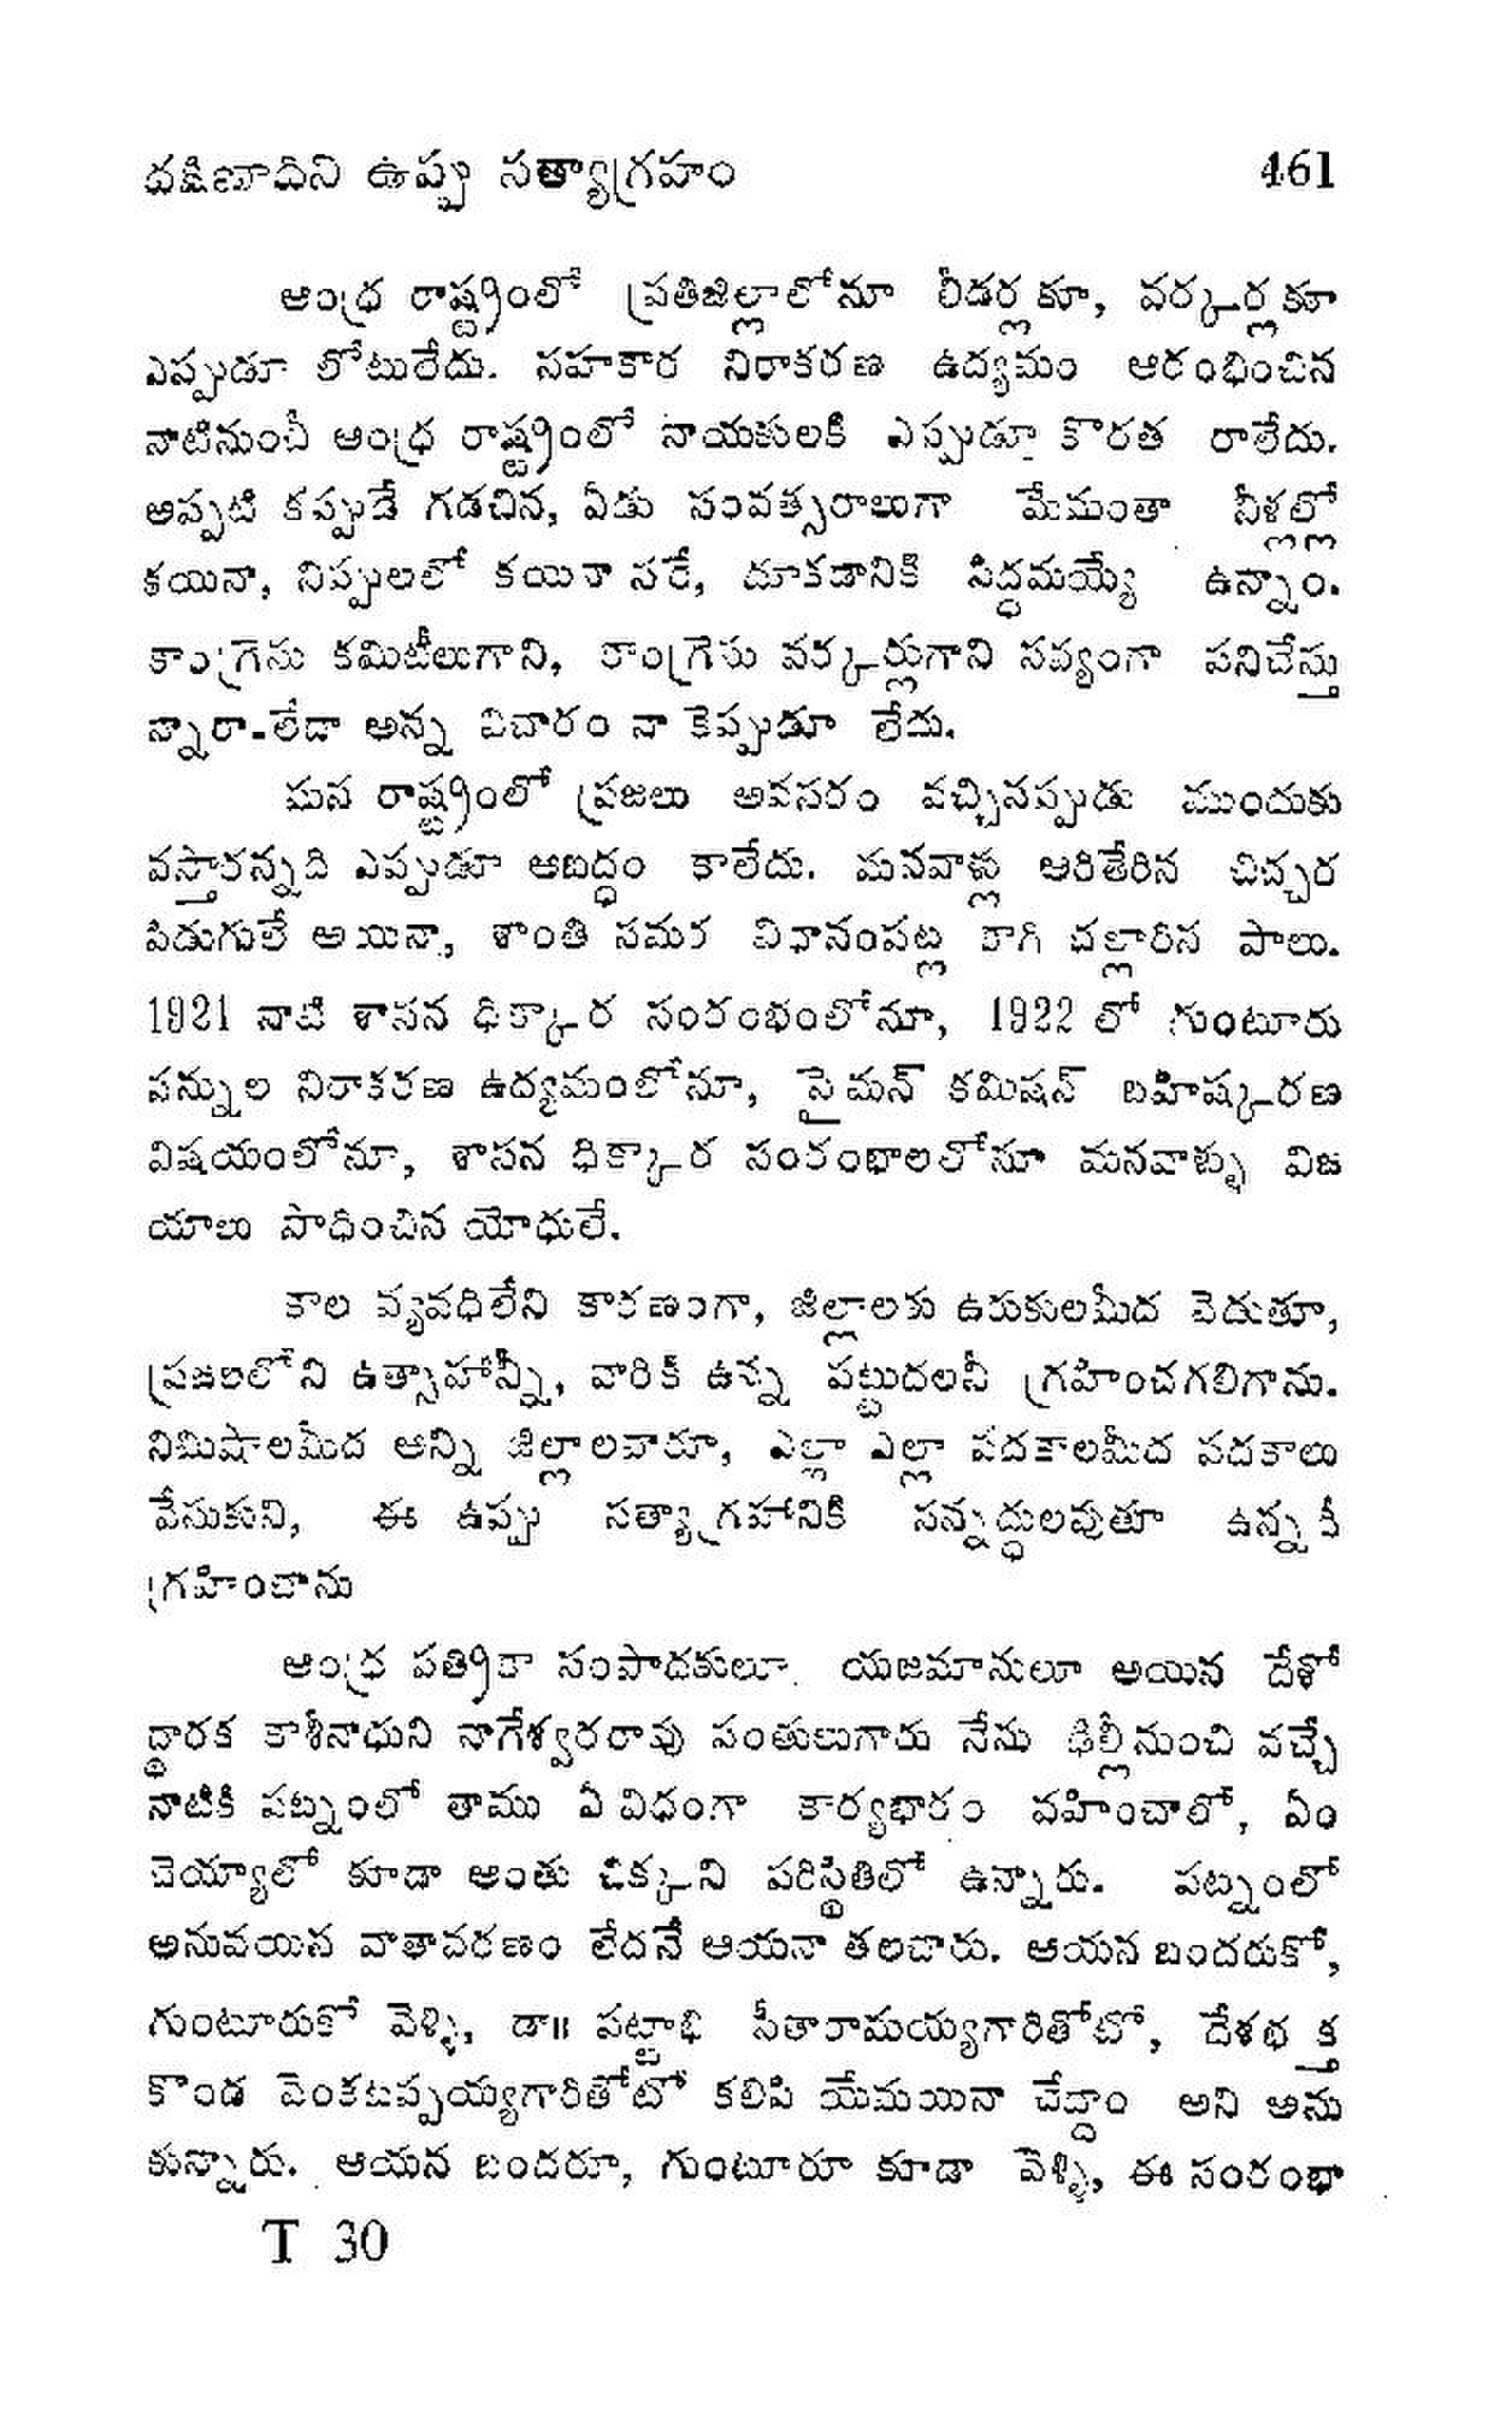ఆంధ్ర రాష్ట్రంలో ప్రతిజిల్లాలోనూ లీడర్లకూ, వర్కర్లకూ ఎప్పుడూ లోటులేదు. సహకార నిరాకరణ ఉద్యమం ఆరంభించిన నాటినుంచీ ఆంధ్ర రాష్ట్రంలో నాయకులకి ఎప్పుడూ కొరత రాలేదు. అప్పటి కప్పుడే గడచిన, ఏడు సంవత్సరాలుగా మేమంతా నీళ్లల్లో కయినా, నిప్పులలో కయినా సరే, దూకడానికి సిద్దమయ్యే ఉన్నాం. కాంగ్రెసు కమిటీలుగాని, కాంగ్రెసు వర్కర్లుగాని సవ్యంగా పనిచేస్తున్నారా - లేదా అన్న విచారం నా కెప్పుడూ లేదు.

మన రాష్ట్రంలో ప్రజలు అవసరం వచ్చినప్పుడు ముందుకు వస్తారన్నది ఎప్పుడూ అబద్ధం కాలేదు. మనవాళ్లు ఆరితేరిన చిచ్చర పిడుగులే అయినా, శాంతి సమర విధానంపట్ల కాగి చల్లారిన పాలు. 1921 నాటి శాసన ధిక్కార సంరంభంలోనూ, 1922 లో గుంటూరు పన్నుల నిరాకరణ ఉద్యమంలోనూ, సైమన్ కమిషన్ బహిష్కరణ విషయంలోనూ, శాసన ధిక్కార సంరంభాలలోనూ మనవాళ్ళు విజయాలు సాదించిన యోధులే.

కాల వ్యవధిలేని కారణంగా, జిల్లాలకు ఉరుకులమీద వెడుతూ, ప్రజలలోని ఉత్సాహాన్నీ, వారికి ఉన్న పట్టుదలనీ గ్రహించగలిగాను. నిమిషాలమీద అన్ని జిల్లాలవారూ, ఎల్లా ఎల్లా పదకాలమీద పదకాలు వేసుకుని, ఈ ఉప్పు సత్యాగ్రహానికి సన్నద్ధులవుతూ ఉన్నదీ గ్రహించాను.

ఆంధ్ర పత్రికా సంపాదకులూ యజమానులూ అయిన దేశోద్థారక కాశీనాధుని నాగేశ్వరరావు పంతులుగారు నేను ఢిల్లీనుంచి వచ్చే నాటికి పట్నంలో తాము ఏ విధంగా కార్యభారం వహించాలో, ఏం చెయ్యాలో కూడా అంతు చిక్కని పరిస్థితిలో ఉన్నారు. పట్నంలో అనువయిన వాతావరణం లేదనే ఆయనా తలచారు. ఆయన బందరుకో, గుంటూరుకో వెళ్ళి, డా॥పట్టాభి సీతారామయ్యగారితోటో, దేశభక్త కొండ వెంకటప్పయ్యగారితోటో కలిసి యేమయినా చేద్దాం అని అనుకున్నారు. ఆయన బందరూ, గుంటూరూ కూడా వెళ్ళి, ఈ సంరంభా